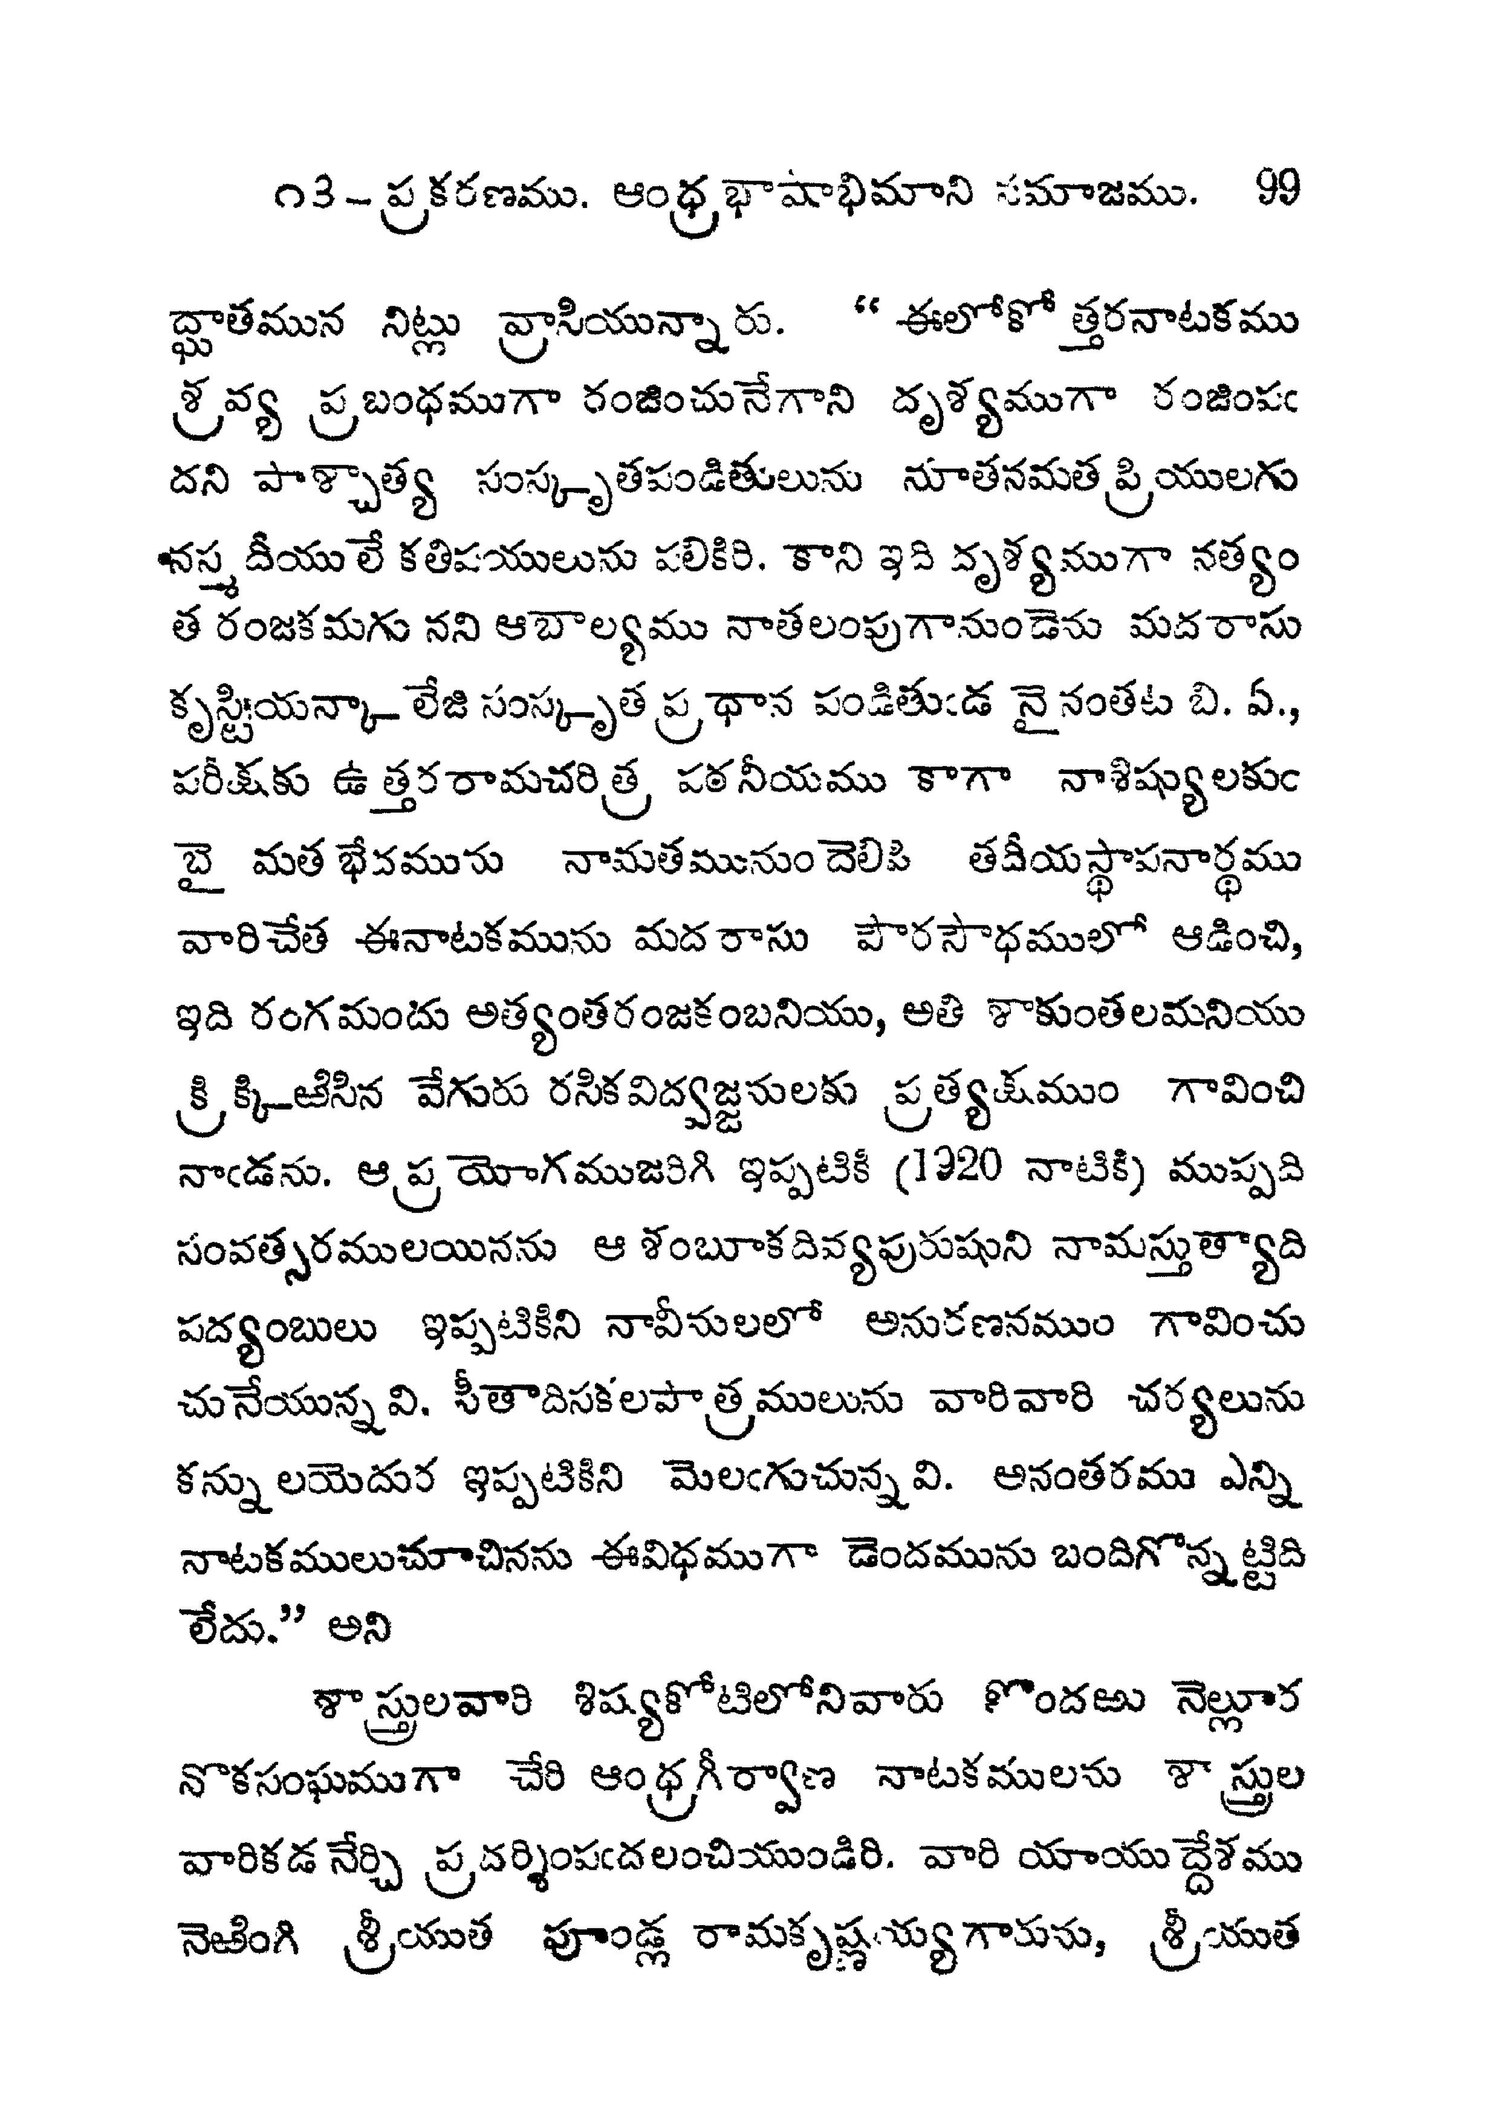ద్ఘాతమున నిట్లు వ్రాసియున్నారు. "ఈలోకోత్తరనాటకము శ్రవ్య ప్రబంధముగా రంజించునేగాని దృశ్యముగా రంజింపదని పాశ్చాత్య సంస్కృతపండితులును నూతనమతప్రియులగు నస్మదీయులే కతిపయులును పలికిరి. కాని ఇది దృశ్యముగా నత్యంత రంజకమగు నని ఆబాల్యము నాతలంపుగానుండెను మదరాసు కృస్టియన్కాలేజి సంస్కృత ప్రథాన పండితుడ నైనంతట బి.ఏ., పరీక్షకు ఉత్తరరామచరిత్ర పఠనీయము కాగా నాశిష్యులకుం బై మతభేదమును నామతమునుందెలిపి తదీయస్థాపనార్థము వారిచేత ఈనాటకమును మదరాసు పౌరసౌధములో ఆడించి, ఇది రంగమందు అత్యంతరంజకంబనియు, అతి శాకుంతలమనియు క్రిక్కిఱిసిన వేగురు రసికవిద్వజ్జనులకు ప్రత్యక్షముం గావించి నాడను. ఆప్రయోగముజరిగి ఇప్పటికి (1920 నాటికి) ముప్పది సంవత్సరములయినను ఆ శంబూకదివ్యపురుషుని నామస్తుత్యాది పద్యంబులు ఇప్పటికిని నావీనులలో అనురణనముం గావించుచునేయున్నవి. సితాదిసకలపాత్రములును వారివారి చర్యలును కన్నులయెదుర ఇప్పటికిని మెలగుచున్నవి. అనంతరము ఎన్ని నాటకములుచూచినను ఈవిధముగా డెందమును బందిగొన్నట్టిది లేదు." అని

శాస్త్రులవారి శిష్యకోటిలోనివారు కొందఱు నెల్లూర నొకసంఘముగా చేరి ఆంధ్రగీర్వాణ నాటకములను శాస్త్రుల వారికడనేర్చి ప్రదర్శింపదలంచియుండిరి. వారి యాయుద్దేశము నెఱింగి శ్రీయుత పూండ్ల రామకృష్ణయ్యగారును, శ్రీయుత